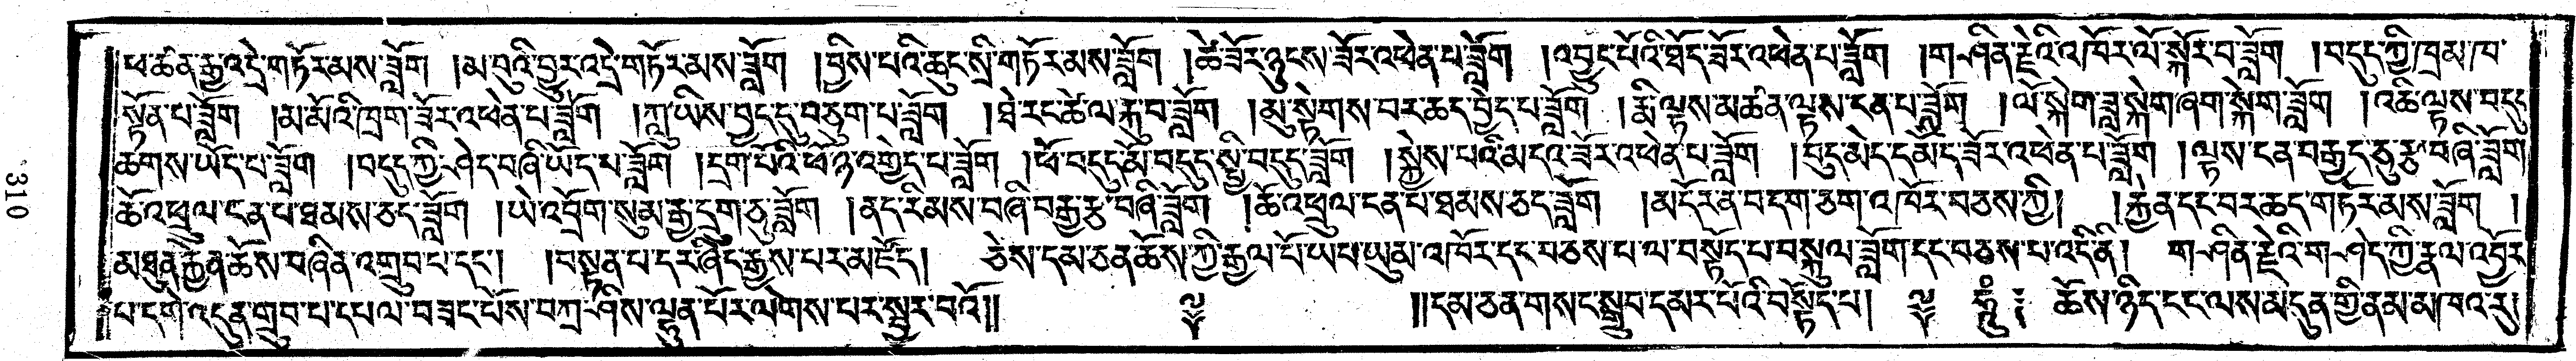ཕ་ཚན་རྒྱ་འདྲེ་གཏོར་མས་ཟློག །མ་བུའི་བྱུར་འདྲེ་གཏོར་མས་ཟློག །བྱིས་པའི་ཆུང་སྲི་གཏོར་མས་ཟློག །ཚེ་ཟོར་ཉུངས་ཟོར་འཕེན་པ་ཟློག །འབྱུང་པོའི་ཐོད་ཟོར་འཕེན་པ་ཟློག །གཤིན་རྗེའི་འཁོར་ལོ་སྐོར་བ་ཟློག །བདུད་ཀྱི་ཁྲམ་ཁ་
སྟོན་པ་ཟློག །མ་མོའི་ཁྲག་ཟོར་འཕེན་པ་ཟློག །ཀླུ་ཡིས་བྱད་དུ་བཅུག་པ་ཟློག །ཐེ་རང་ཚེ་ལ་རྐུ་བ་ཟློག །མུ་སྟེགས་བར་ཆད་བྱེད་པ་ཟློག །རྨི་ལྟས་མཚན་ལྟས་ངན་པ་ཟློག །ལོ་སྐེག་ཟླ་སྐེག་ཞག་སྐེག་ཟློག །འཆི་ལྟས་བདུང་
ཆགས་ཡོད་པ་ཟློག །བདུད་ཀྱི་ཤེད་བཞི་ཡོད་པ་ཟློག །དྲག་པོའི་ཕོ་ཉ་འགྱེད་པ་ཟློག །ཕོ་བདུད་མོ་བདུད་སྤྱི་བདུད་ཟློག །སྐྱེས་པའི་མདའ་ཟོར་འཕེན་པ་ཟློག །བུད་མེད་དམོད་ཟོར་འཕེན་པ་ཟློག །ལྟས་ངན་བརྒྱད་ཅུ་རྩ་བཞི་ཟློག་
ཆོ་འཕྲུལ་ངན་པ་ཐམས་ཅད་ཟློག །ཡེ་འབྲོག་སུམ་རྒྱ་དྲུག་ཅུ་ཟློག །ནད་རིམས་བཞི་བརྒྱ་རྩ་བཞི་ཟློག །ཆོ་འཕྲུལ་ངན་པ་ཐམས་ཅད་ཟློག །མདོར་ན་བདག་ཅག་འཁོར་བཅས་ཀྱི། །རྐྱེན་དང་བར་ཆད་གཏོར་མས་ཟློག །
མཐུན་རྐྱེན་ཆོས་བཞིན་འགྲུབ་པ་དང་། །བསྟན་པ་དར་ཞིང་རྒྱས་པར་མཛོད། ཅེས་དམ་ཅན་ཆོས་ཀྱི་རྒྱལ་པོ་ཡབ་ཡུམ་འཁོར་དང་བཅས་པ་ལ་བསྟོད་པ་བསྐུལ་ཟློག་དང་བཅས་པ་འདི་ནི། གཤིན་རྗེའི་གཤེད་ཀྱི་རྣལ་འབྱོར་
པ་དགེ་འདུན་གྲུབ་པ་དཔལ་བཟང་པོས་བཀྲ་ཤིས་ལྷུན་པོར་ལེགས་པར་སྦྱར་བའོ།། ༈ །།དམ་ཅན་གསང་སྒྲུབ་དམར་པོའི་བསྟོད་པ། ༈ ཧཱུཾ༑ ཆོས་ཉིད་ངང་ལས་མདུན་གྱི་ནམ་མཁའ་རུ།